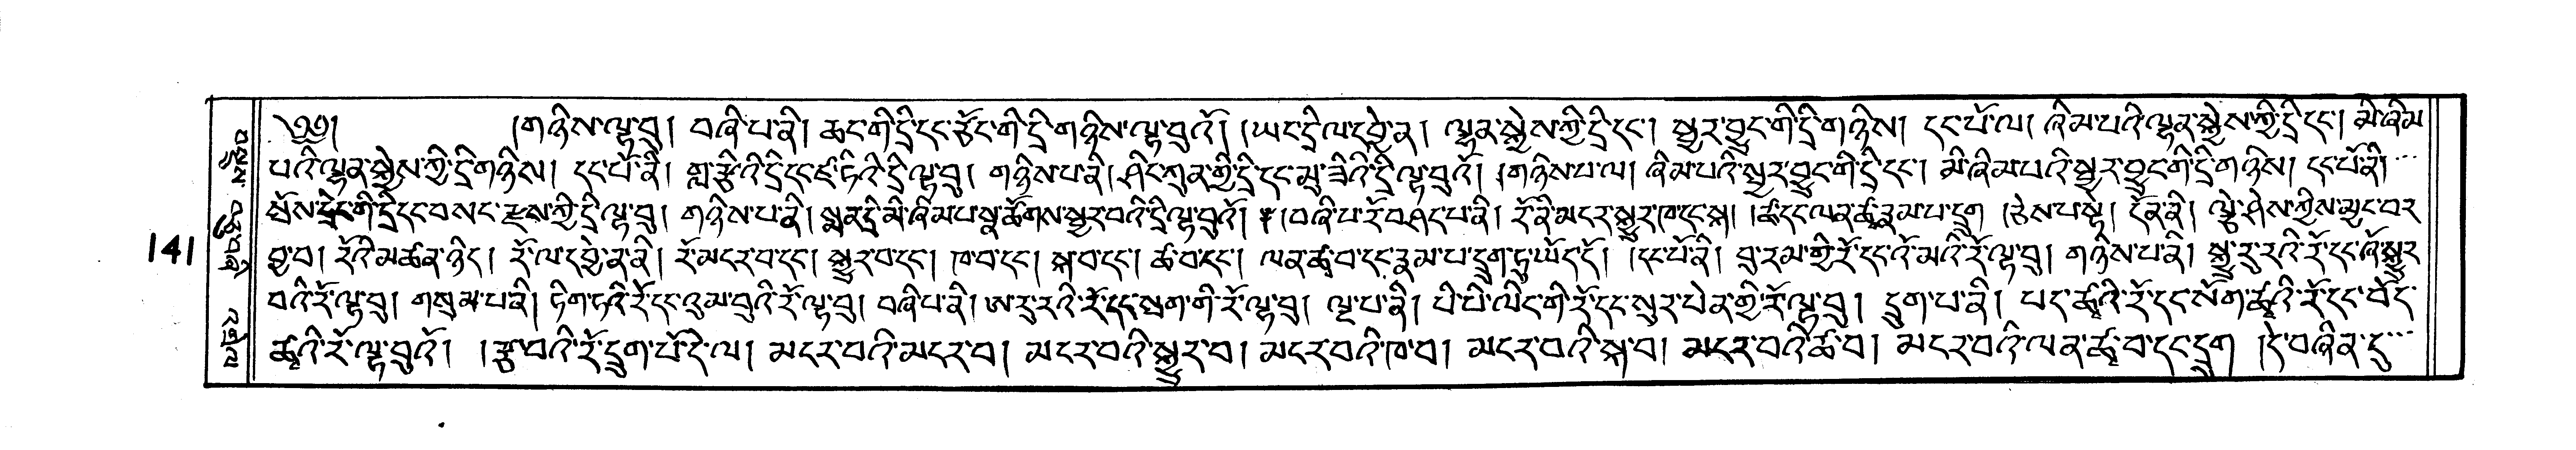༄༅། །གཉིས་ལྟ་བུ། བཞི་པ་ནི། ཆང་གི་དྲི་དང་ཙོང་གི་དྲི་གཉིས་ལྟ་བུའོ། །ཡང་དྲི་ལ་དབྱེ་ན། ལྷན་སྐྱེས་ཀྱི་དྲི་དང་། སྦྱར་བྱུང་གི་དྲི་གཉིས། དང་པོ་ལ། ཞིམ་པའི་ལྷན་སྐྱེས་ཀྱི་དྲི་དང་། མི་ཞིམ་
པའི་ལྷན་སྐྱེས་ཀྱི་དྲི་གཉིས། དང་པོ་ནི། གླ་རྩིའི་དྲི་དང་ཛ་ཏིའི་དྲི་ལྟ་བུ། གཉིས་པ་ནི། ཤིང་ཀུན་གྱི་དྲི་དང་མུ་ཟིའི་དྲི་ལྟ་བུའོ། །གཉིས་པ་ལ། ཞིམ་པའི་སྤྱར་བྱུང་གི་དྲི་དང་། མི་ཞིམ་པའི་སྦྱར་བྱུང་གི་དྲི་གཉིས། དང་པོ་ནི།
སྤོས་ཧྲེང་གི་དྲི་དང་བསང་རྫས་ཀྱི་དྲི་ལྟ་བུ། གཉིས་པ་ནི། སྨན་དྲི་མི་ཞིམ་པ་སྣ་ཚོགས་སྦྱར་བའི་དྲི་ལྟ་བུའོ། ༈ །བཞི་པ་རོ་བཤད་པ་ནི། རོ་ནི་མངར་སྐྱུར་ཁ་དང་སྐ། །ཚ་དང་ལན་ཚྭ་རྣམ་པ་དྲུག །ཅེས་པ་སྟེ། དོན་ནི། ལྕེ་ཤེས་ཀྱིས་མྱང་བར་
བྱ་བ། རོའི་མཚན་ཉིད། རོ་ལ་དབྱེ་ན་ནི། རོ་མངར་བ་དང་། སྐྱུར་བ་དང་། ཁ་བ་དང་། སྐ་བ་དང་། ཚ་བ་དང་། ལན་ཚྭ་བ་དང་རྣམ་པ་དྲུག་ཏུ་ཡོད་དོ། །དང་པོ་ནི། བུ་རམ་གྱི་རོ་དང་འོ་མའི་རོ་ལྟ་བུ། གཉིས་པ་ནི། སྐྱུ་རུ་རའི་རོ་དང་ཞོ་སྐྱུར་
བའི་རོ་ལྟ་བུ། གསུམ་པ་ནི། ཏིག་ཧའི་རོ་དང་འུམ་བུའི་རོ་ལྟ་བུ། བཞི་པ་ནི། ཨ་རུ་རའི་རོ་དང་སྤག་གི་རོ་ལྟ་བུ། ལྔ་པ་ནི། པི་པི་ལིང་གི་རོ་དང་སུར་པེན་གྱི་རོ་ལྟ་བུ། དྲུག་པ་ནི། པད་ཚྭའི་རོ་དང་སོག་ཚྭའི་རོ་དང་བོད་
ཚྭའི་རོ་ལྟ་བུའོ། །རྩ་བའི་རོ་དྲུག་པོ་དེ་ལ། མངར་བའི་མངར་བ། མངར་བའི་སྐྱུར་བ། མངར་བའི་ཁ་བ། མངར་བའི་སྐ་བ། མངར་བའི་ཚ་བ། མངར་བའི་ལན་ཚྭ་བ་དང་དྲུག །དེ་བཞིན་དུ་